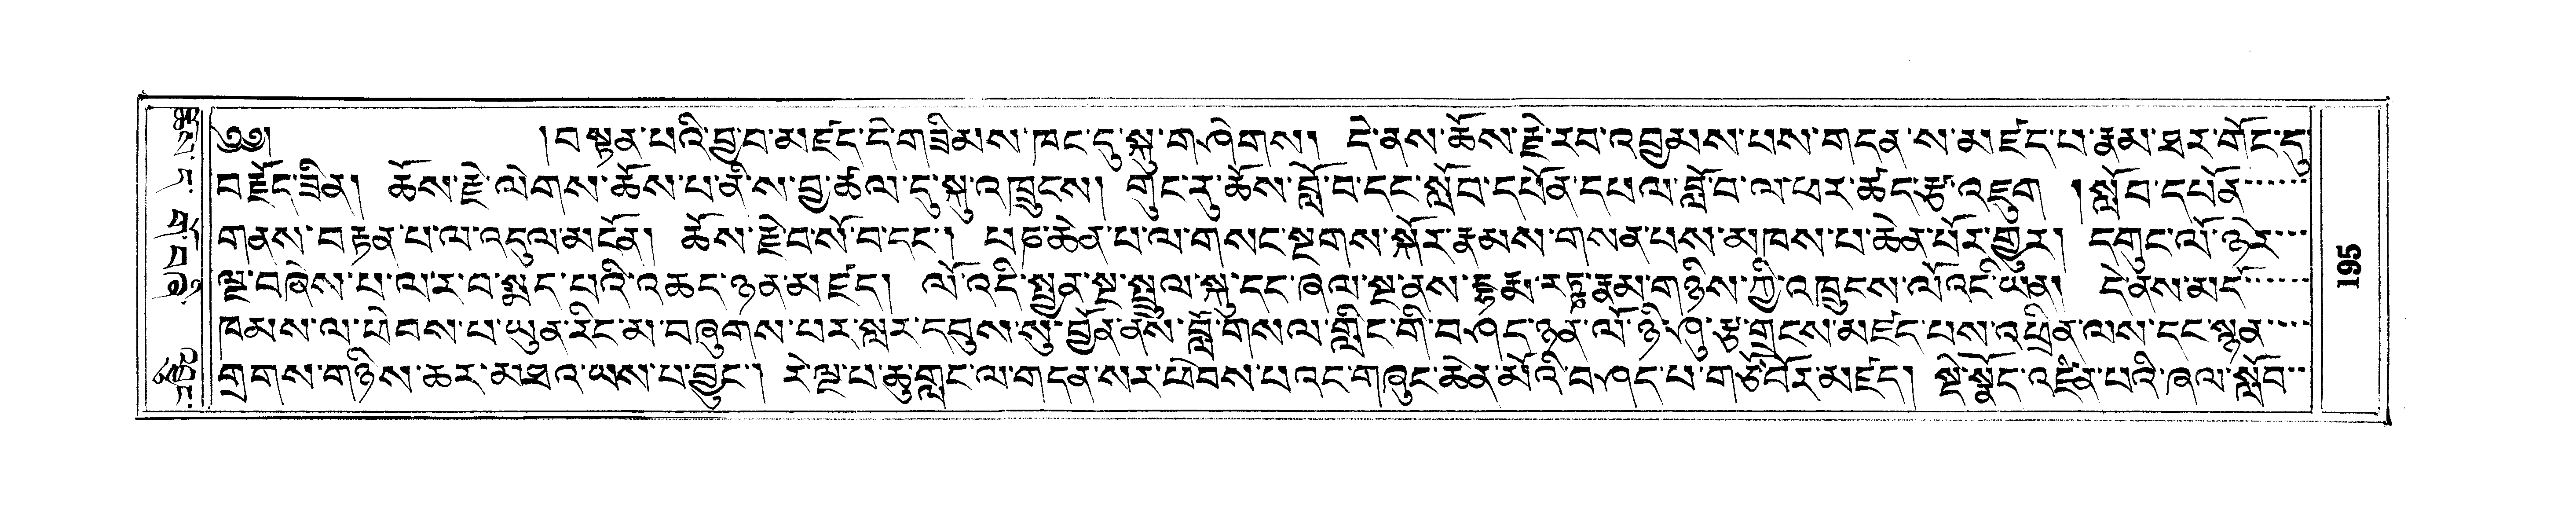༄༅། །བསྟན་པའི་བྱ་བ་མཛད་དེ་གཟིམས་ཁང་དུ་སྐུ་གཤེགས། དེ་ནས་ཆོས་རྗེ་རབ་འབྱམས་པས་གདན་ས་མཛད་པ་རྣམ་ཐར་གོང་དུ་
བརྗོད་ཟིན། ཆོས་རྗེ་ལེགས་ཆོས་པ་ནི་ས་བྱ་ཚལ་དུ་སྐུ་འཁྲུངས། གུང་རུ་ཆོས་བློ་བ་དང་སློབ་དཔོན་དཔལ་བློ་བ་ལ་ཕར་ཚད་རྩ་འཇུག །སློབ་དཔོན་
གནས་བརྟན་པ་ལ་འདུལ་མངོན། ཆོས་རྗེ་བ་སོ་བ་དང་། པཎ་ཆེན་པ་ལ་གསང་སྔགས་སྐོར་རྣམས་གསན་པས་མཁས་པ་ཆེན་པོར་གྱུར། དགུང་ལོ་ཉེར་
ལྔ་བཞེས་པ་ལ་ར་བ་སྨད་པའི་འཆད་ཉན་མཛད། ལོ་འདི་སྤྱན་སྔ་སྤྲུལ་སྐུ་དང་ཞལ་སྔ་ནས་དྷརྨ་རཊྞ་རྣམ་གཉིས་ཀྱི་འཁྲུངས་ལོའྔི་ཡན། དེ་ནས་མདོ་
ཁམས་ལ་ཕེབས་པ་ཡུན་རིང་མ་བཞུགས་པར་སླར་དབུས་སུ་བྱོན་ནས་བློ་གསལ་གླིང་གི་བཤད་ཉན་ལོ་ཉི་ཤུ་རྩ་གྲངས་མཛད་པས་འཕྲིན་ལས་དང་སྙན་
གྲགས་གཉིས་ཆར་མཐའ་ཡས་པ་བྱུང་། རེ་ལྔ་པ་ཆུ་གླང་ལ་གདན་སར་ཕེབས་པའང་གཞུང་ཆེན་མོའི་བཤད་པ་གཙོ་བོར་མཛད། སྡེ་སྣོད་འཛིན་པའི་ཞལ་སློབ་